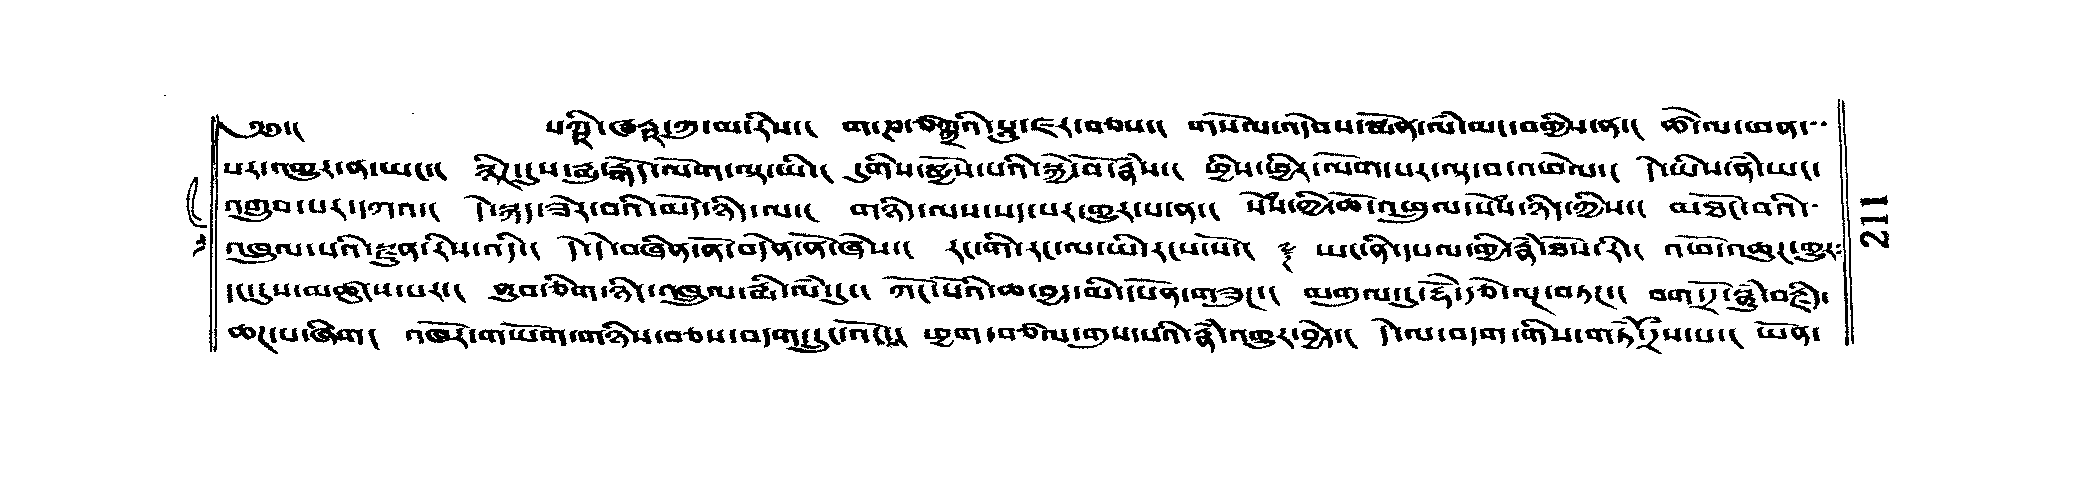།པཀྵི་ཝརྞ་ཀུ་མ་རིས། །ག་ཎཱ་ཙཀྲའི་པཱུ་ཛར་བཅས། །གསོལ་འདེབས་སྨོན་ལམ་མང་བགྱིས་ན། །ཚེ་ལ་ཕན་
པར་འགྱུར་ན་ཡང་། །སྙིགས་དུས་རྨུ་རྒོད་ལོག་ལྟ་ཡི། །དུག་གིས་སྨྱོས་པའི་སྐྱེ་བོ་རྣམས། །ཕྱིས་ཕྱིར་ལོག་པར་ལྟ་བ་འཕེལ། །དེ་ཡིས་ནམ་ཡང་
འགྲུབ་པར་དཀའ། །དེ་སྐད་ཟེར་བའི་མོད་ཉིད་ལ། །གཉིད་ལས་སད་པར་གྱུར་པ་ན། །སེམས་ཀྱི་ཆོ་འཕྲུལ་སེམས་ཉིད་ཀྱིས། །མཐོང་བའི་
འཁྲུལ་པའི་རྫུན་རིས་འདི། །དེ་དེ་བཞིན་ནོ་བདེན་ནོ་ཞེས། །རང་གི་རང་ལ་ཡི་རངས་སོ།། ༈ ཡང་ནི་དཔལ་གྱི་རྣམ་ཐོས་རི། །འཕོ་འཆུགས་གྱུར་
དང་དུས་མཚུངས་པར། །ནུབ་གཅིག་ཉིང་འཁྲུལ་རྨི་ལམ་དུ། །ཀོང་པོའི་ཆ་བྱད་མི་དཔོན་གཟུགས། །མགུལ་དུ་རྡོ་རྗེ་རྩེ་ལྔ་བཏགས། །བག་དྲོ་སྣུམ་བརྗིད་
ཆགས་པ་ཞིག །འཁོར་གཡོག་གཉིས་བཅས་བདག་དྲུང་འོངས། །ཕྱག་བཙལ་གུས་པའི་རྣམ་འགྱུར་བྱེད། །དེ་ལ་བདག་གིས་གཏམ་དྲིས་པ། །ཡོན་